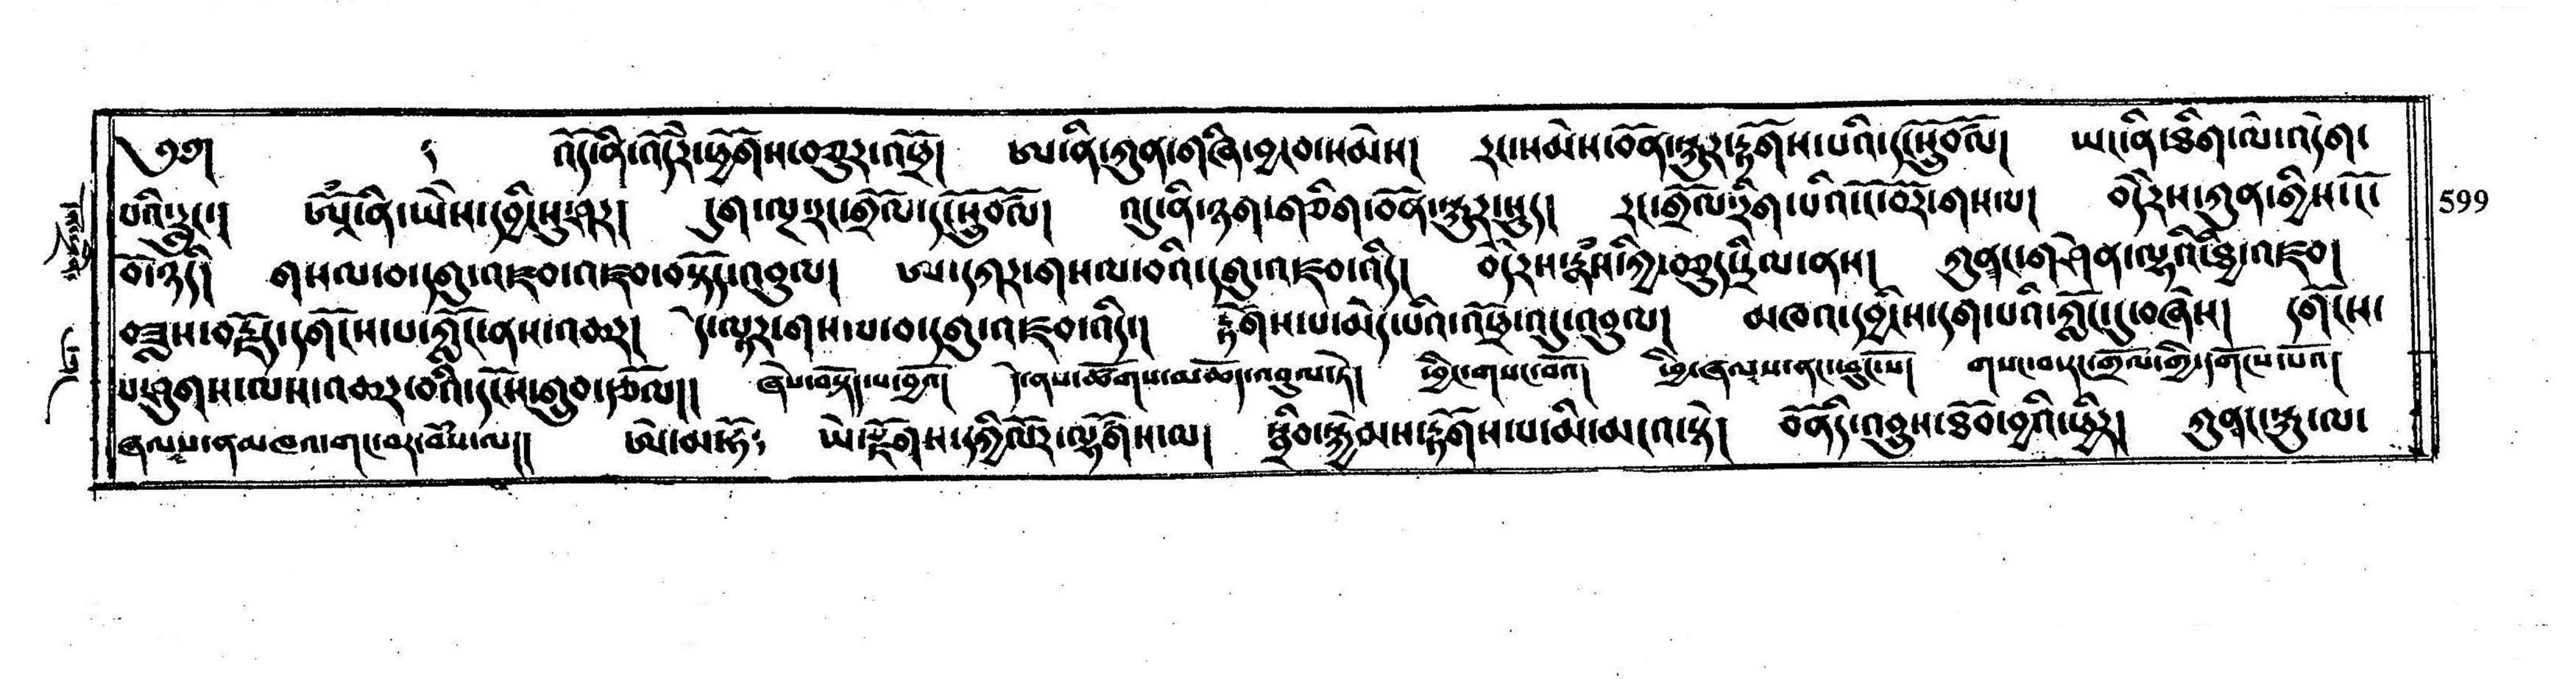འོད་ནི་འོད་ཟེར་ཕྱོགས་བཅུར་འཕྲོ། ཨ་ནི་ཀུན་གཞི་བྱང་ཆུབ་སེམས། རང་སེམས་བོན་སྐུར་རྟོགས་པའི་དངོས་གྲུབ་སྩོལ། ཡང་ནི་ཐིག་ལེ་འདེག་
པའི་རླུང་། ཨཱོཾ་ནི་ཡེ་ཤེས་དབྱིངས་སུ་ཤར། དུག་ལྔ་རང་གྲོལ་དངོས་གྲུབ་སྩོལ། འདུ་ནི་ཉག་གཅིག་བོན་སྐུར་སྡུད། རང་གྲོལ་རིག་པའི་ངོ་བོར་གསལ། བདེར་གཤེགས་ཀུན་གྱིས་ངོ་
བོ་ཉིད། གསལ་བ་དགུ་འཛབ་འཛབ་བསྟོད་འབུལ། ཨ་དཀར་གསལ་བའི་དགུ་འཛབ་འདི། བདེར་གཤེགས་རྣམས་ཀྱི་བཅུད་དྲིལ་ནས། ཀུན་བཟང་གཤེན་ལྷའི་ཐུགས་ཀྱི་འཛབ། 
བཟླས་བརྗོད་དགོངས་པ་ཀློང་ནས་འཆར། དེ་ལྟར་གསལ་བ་དགུ་འཛབ་འདི། རྟོགས་པ་མེད་པའི་འཕྲོ་འདུ་འབུལ། མཁའ་དབྱིངས་དག་པའི་ཀློང་དུ་བཞེས། དགོངས་
པ་ཤུགས་ལས་འཆར་བའི་དངོས་གྲུབ་རྩོལ།། ཞེས་བསྟོད་པ་བྱའོ།དེ་ནས་ཚོགས་མཆོད་འབུལ་ཏེ། ཕྱི་ནང་གསང་བའོ། ཕྱི་ཞལ་ཟས་ནང་ཕུང་པོ། གསང་བ་རང་གྲོལ་གྱི་དགོངས་པའོ།
ཞལ་ཟས་ནམ་མཁའ་གང་བར་བསམ་ལ།། ཨེ་མ་ཧོ། ཡེ་རྫོགས་དཀྱིལ་འཁོར་ལྷ་ཚོགས་ལ། སྦྲིབ་སྐྱེམས་རྟོགས་པ་མི་མངའ་སྟེ། བོན་ཉིད་འབྲས་བུ་ཐོབ་བྱའི་ཕྱིར། ཀུན་བཟང་སྐུ་ལ་